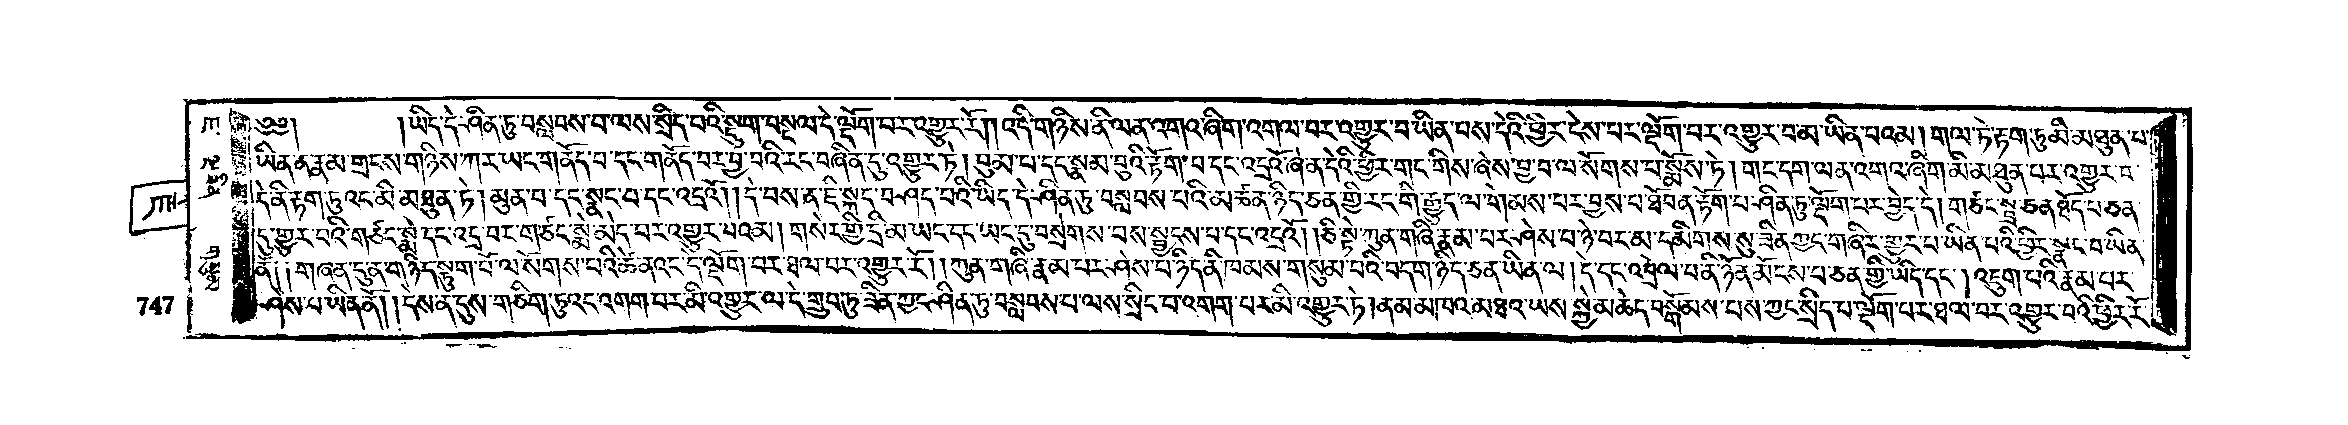༄༅། །ཡིད་དེ་ཤིན་ཏུ་བསླབས་པ་ལས་སྲིད་པའི་སྡུག་བསྔལ་དེ་ལྡོག་པར་འགྱུར་རོ། །འདི་གཉིས་ནི་ལན་འགའ་ཞིག་འགལ་བར་འགྱུར་བ་ཡིན་པས་དེའི་ཕྱིར་ངེས་པར་ལྡོག་པར་འགྱུར་བ་མ་ཡིན་པའམ། གལ་ཏེ་རྟག་ཏུ་མི་མཐུན་པ་
ཡིན་ན་རྣམ་གྲངས་གཉིས་ཀར་ཡང་གནོད་པ་དང་གནོད་བར་བྱ་བའི་རང་བཞིན་དུ་འགྱུར་ཏེ། བུམ་པ་དང་སྣམ་བུའི་རྟོག་པ་དང་འདྲའོ་ཞེ་ན་དེའི་ཕྱིར་གང་གིས་ཞེས་བྱ་བ་ལ་སོགས་པ་སྨོས་ཏེ། གང་དག་ལན་འགའ་ཞིག་མི་མཐུན་པར་འགྱུར་བ་
དེ་ནི་རྟག་ཏུའང་མི་མཐུན་ཏེ། མུན་པ་དང་སྣང་བ་དང་འདྲའོ། །དེ་བས་ན་ཇི་སྐད་བཤད་པའི་ཡིད་དེ་ཤིན་ཏུ་བསླབས་པའི་མཚན་ཉིད་ཅན་གྱི་རང་གི་རྒྱུད་ལ་གོམས་པར་བྱས་པ་ཐོབ་ན་རྟོག་པ་ཤིན་ཏུ་ལྡོག་པར་བྱེད་དེ། གཙང་སྦྲ་ཅན་ཐོད་པ་ཅན་
དུ་གྱུར་པའི་གཙང་སྨེ་དང་འདྲ་བར་གཙང་སྨེ་མེད་པར་འགྱུར་པའམ། གསེར་གྱི་དྲི་མ་ཡང་དང་ཡང་དུ་བསྲེགས་པས་སྦྱངས་པ་དང་འདྲའོ། །ཅི་སྟེ་ཀུན་གཞི་རྣམ་པར་ཤེས་པ་ཉེ་བར་མ་དམིགས་སུ་ཟིན་ཀྱང་གཞིར་གྱུར་པ་ཡིན་པའི་ཕྱིར་སྣང་བ་ཡིན་
ནོ༑ ༑གཞན་དུ་ན་གཉིད་སྟུག་པོ་ལ་སོགས་པའི་ཚེ་ནའང་དེ་ལྡོག་པར་ཐལ་བར་འགྱུར་རོ། །ཀུན་གཞི་རྣམ་པར་ཤེས་པ་ཉིད་ནི་ཁམས་གསུམ་པའི་བདག་ཉིད་ཅན་ཡིན་ལ། དེ་དང་འབྲེལ་བ་ནི་ཉོན་མོངས་པ་ཅན་གྱི་ཡིད་དང་། འཇུག་པའི་རྣམ་པར་
ཤེས་པ་ཡིན་ནོ། །དེས་ན་དུས་གཅིག་ཏུའང་འགག་པར་མི་འགྱུར་ལ་དེ་གྲུབ་ཏུ་ཟིན་ཀྱང་ཤིན་ཏུ་བསླབས་པ་ལས་སྲིད་པ་འགག་པར་མི་འགྱུར་ཏེ། ནམ་མཁའ་མཐའ་ཡས་སྐྱེ་མཆེད་བསྒོམས་པས་ཀྱང་སྲིད་པ་ལྡོག་པར་ཐལ་བར་འགྱུར་བའི་ཕྱིར་རོ་